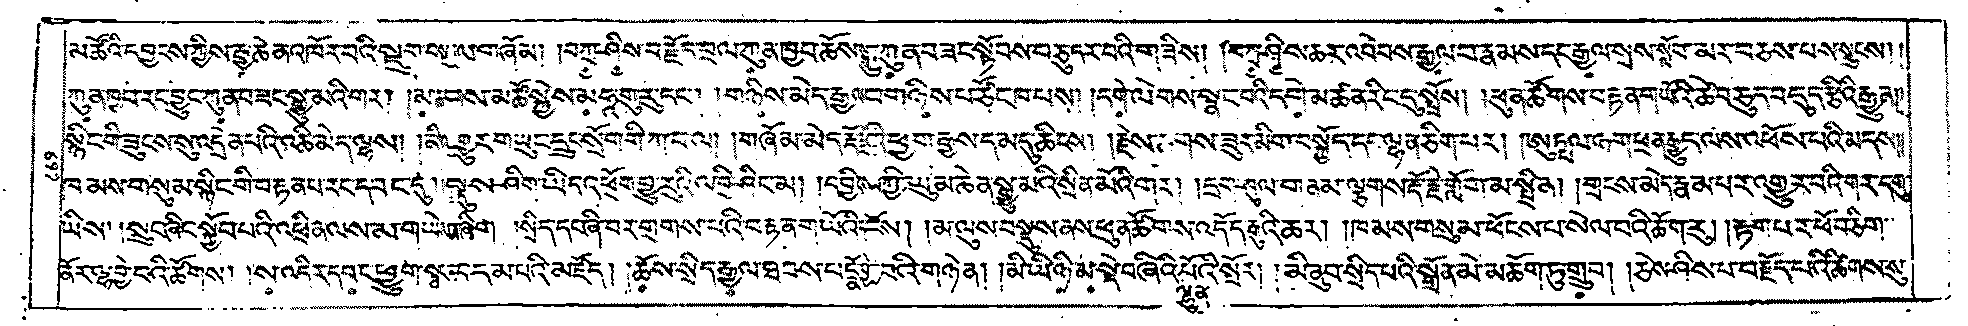མཚོའི་དབྱངས་ཀྱིས་རྒྱ྾་ཆེན་འཁོར་བའི་སྡུག་བསྔལ་གཞོམ། །བཀྲ྾་ཤིས྾་བརྗོད་བྲལ་ཀུན྾་ཁྱབ་ཆོས་སྐུ་ཀུན྾་བཟང་སྟོབས་བཅུ་དར་བའི་གཟིས། །བཀྲ྾་ཤིས྾་ཆར་འབེབས་རྒྱལ྾་བ་རྣམས་དང་རྒྱལ྾་སྲས་སློབ་མར་བཅས་པས་སྲུངས། །
ཀུན྾་ཁྱབ་རང་བྱུང་ཀུན྾་བཟང་སྒྱུ་མའི་གར། །མ྾་ཆགས་མཚོ་སྐྱེས་མཧཱ྾་གུ་རུ་དང་། །གཉིས྾་མེད་རྒྱལ་བ་གཉིས྾་པ་ཙོང་ཁ་པས། །དགེ྾་ལེགས་སྣང་བའི་དགེ྾་མཚན་རིང་དུ་སྤྲོས། །ཕུན་ཚོགས་བརྟན་གཡོའི་ཚེ་བཅུད་བདུད་རྩིའི་རྒྱུན།།
སྙིང་གི་ཟུངས་སུ་འདྲེན་པའི་འཆི་མེད་ལྷས། །མི་འགྱུར་གཡུང་དྲུང་སྲོག་གི་ཀ་བ་ལ། །གཞོམ་མེད་རྡོ་རྗེའི་ཕྱག་རྒྱས་དམ་དུ་ཆིངས། །རྗེས་ཆགས་ཟུར་མིག་བསྐྱོད་དང་ལྷན་ཅིག་པར། །ཨུཏྤལ་ཉག་ཕྲན་རྒྱུད་ལས་འཕོས་པའི་མདས།།
ཁམས་གསུམ་སྙིང་གི་བརྟན་པ་རང་དབང་དུ། །སྡུས་ཤིག་ཡིད་འཕྲོག་བྱུ་རུའི་འཁྲི་ཤིང་མ། །དབྱིངས་ཀྱི་ཡུམ་ཆེན་སྒྱུ་མའི་སྲིན་མོའི་གར། །དྲག་ཤུལ་གནམ་ལྕགས་རྡོ་རྗེ་གློག་མ་སྤྲིན། །གྲངས་མེད་རྣམ་པར་འགྱུར་བའི་གར་དགུ་
ཡིས། །སྲུང་ཞིང་སྐྱོབ་པའི་འཕྲིན་ལས་མ་གཡེལ་ཞིག །སྲིད་དང་ཞི་བར་གྲགས་པའི་བརྟན་གཡོའི་དངོས། །མ་ལུས་བསྡུས་ནས་ཕུན་ཚོགས་འདོད་རྒུའི་ཆར། །ཁམས་གསུམ་ཕོངས་པ་སེལ་བའི་ཆོ་ག་རུ། །རྟག་པར་ཕོབ་ཅིག་
ནོར་ལྷ་བྱེ་བའི་ཚོགས། །ས྾་འདིར་དབང྾་ཕྱུག་སྣང་བ་དམ་པའི་མཛོད། །ཆོས྾་སྲིད་རྒྱལ྾་ཐབས་པདམོ་བྱེ་བའི་གཉེན། །མི་ཡི྾་ཉི྾་མ྾་སྡེ་བཞིའི་ལྷུན་པོའི་སྤོར། །མི་ནུབ་སྲིད་པའི་སྒྲོན་མེ་མཆོག་ཏུ་གྲུབ྾། །ཅེས་ཤིས་པ་བརྗོད་པའི་ཚིགས་སུ་